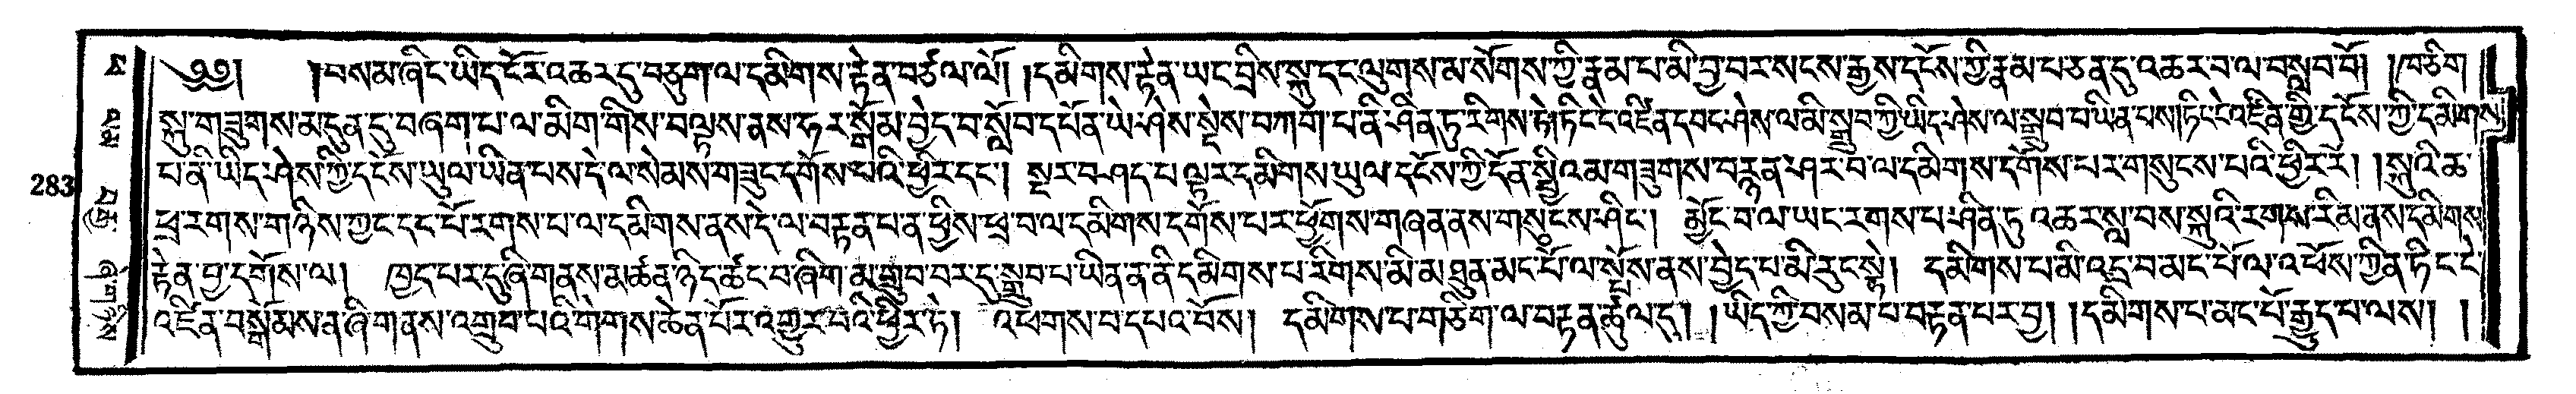༄༅། །བསམ་ཞིང་ཡིད་ངོར་འཆར་དུ་བཅུག་ལ་དམིགས་རྟེན་བཙལ་ལོ། །དམིགས་རྟེན་ཡང་བྲིས་སྐུ་དང་ལུགས་མ་སོགས་ཀྱི་རྣམ་པ་མི་བྱ་བར་སངས་རྒྱས་དངོས་ཀྱི་རྣམ་པ་ཅན་དུ་འཆར་བ་ལ་བསླབ་བོ། །ཁ་ཅིག་
སྐུ་གཟུགས་མདུན་དུ་བཞག་པ་ལ་མིག་གིས་བལྟས་ནས་ཧར་སྒོམ་བྱེད་བ་སློབ་དཔོན་ཡེ་ཤེས་སྡེས་བཀག་པ་ནི་ཤིན་ཏུ་རིགས་ཏེ། ཏིང་ངེ་འཛིན་དབང་ཤེས་ལ་མི་སྒྲུབ་ཀྱི་ཡིད་ཤེས་ལ་སྒྲུབ་བ་ཡིན་པས་། ཏིང་ངེ་འཛིན་གྱི་དངོས་ཀྱི་དམིགས་
པ་ནི་ཡིད་ཤེས་ཀྱི་དངོས་ཡུལ་ཡིན་པས་དེ་ལ་སེམས་གཟུང་དགོས་པའི་ཕྱིར་དང་། །སྔར་བཤད་པ་ལྟར་དམིགས་ཡུལ་དངོས་ཀྱི་དོན་སྤྱིའམ་གཟུགས་བརྙན་ཤར་བ་ལ་དམིགས་དགོས་པར་གསུངས་པའི་ཕྱིར་རོ། །སྐུའི་ཆ་
ཕྲ་རགས་གཉིས་ཀྱང་དང་པོ་རགས་པ་ལ་དམིགས་ནས་དེ་ལ་བརྟན་པ་ན་ཕྱིས་ཕྲ་བ་ལ་དམིགས་དགོས་པར་ཕྱོགས་གཞན་ནས་གསུངས་ཤིང་། མྱོང་བ་ལ་ཡང་རགས་པ་ཤིན་ཏུ་འཆར་སླ་བས་སྐུའི་རགས་རིམ་ནས་དམིགས་
རྟེན་བྱ་དགོས་ལ། ཁྱད་པར་དུ་ཞི་གནས་མཚན་ཉིད་ཚང་བ་ཞིག་མ་གྲུབ་བར་དུ་སྒྲུབ་པ་ཡིན་ན་ནི་དམིགས་པ་རིགས་མི་མཐུན་མང་པོ་ལ་སྤོས་ནས་བྱེད་པ་མི་རུང་སྟེ། དམིགས་པ་མི་འདྲ་བ་མང་པོ་ལ་འཕོས་ཀྱིན་ཏིང་ངེ་
འཛིན་བསྒོམས་ན་ཞི་གནས་འགྲུབ་པའི་གེགས་ཆེན་པོར་འགྱུར་པའི་ཕྱིར་ཏེ། འཕགས་པ་དཔའ་བོས། དམིགས་པ་གཅིག་ལ་བརྟན་ཚུལ་དུ། །ཡིད་ཀྱི་བསམ་པ་བརྟན་པར་བྱ། །དམིགས་པ་མང་པོ་རྒྱུད་པ་ལས། །